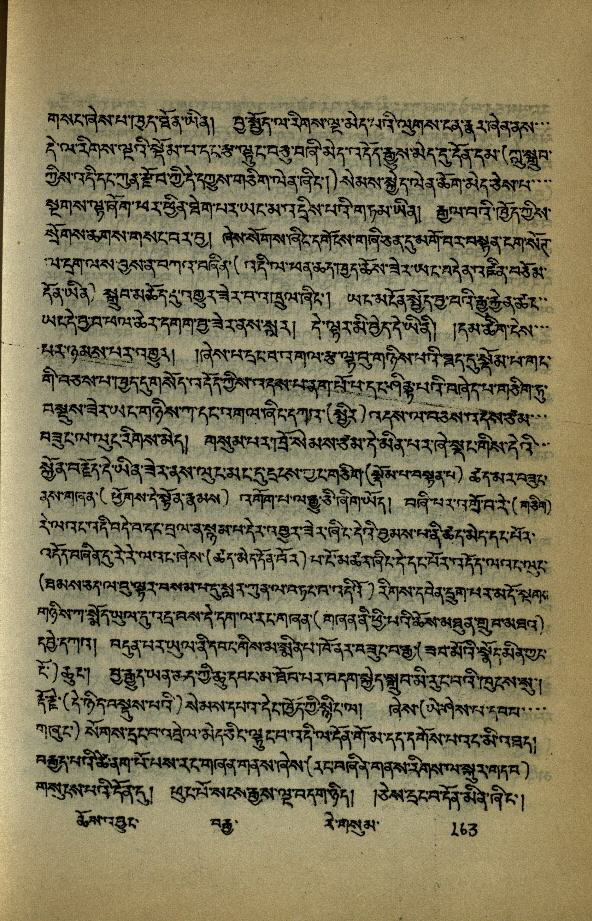གསང་ཞེས་པ་ཁྱད་ཐོན་ཡིན། བྱ་སྤྱོད་ལ་རིགས་ལྔ་མེད་པའི་ལུགས་ངན་རྣར་ཞེན་ནས་
དེ་ལ་རིགས་ལྔའི་སྡོམ་པ་དང་རྩ་ལྟུང་བཅུ་བཞི་མེད་འདོད་རྒྱུས་མེད་དུ་དོན་དམ་ཀླུ་སྒྲུབ་
ཀྱིས་འདི་དང་ཀུན་རྫོབ་ཀྱི་དེ་དཀྱུས་གཅིག་ལེན་ཞིང་། སེམས་སྐྱེད་ལེན་ཆོག་མེད་ཅེས་པ་
སྔགས་ལྟ་ཞོག་ཕར་ཕྱིན་ཐེག་པར་ཡང་མ་འདྲིས་པའི་གཏམ་ཡིན། རྒྱལ་བའི་ཁྱོད་ཀྱིས་
སྲོགས་ཆགས་གསང་བར་བྱ། ཞེས་སོགས་ཞིང་དགོངས་གཞི་ཅན་དུ་མགོ་བར་བསྟན་ངག་སོཊ་
ལ་དྲག་ལས་བྱས་ན་བཀའ་བཞིན་འདི་ལ་ཕན་ཆད་ཁྱད་ཆོས་ཟེར་ཡང་བདེན་འཛིན་བཅོམ་
དོན་ཡིན་སྒྲུབ་མཆོད་དུ་འགྱུར་ཟེར་བ་འཁྲུལ་ཞིང་། ཡང་མངོན་སྤྱོད་བྱ་བའི་རྒྱུ་རྐྱེན་ཚང་
ཡང་དེ་བྱ་བ་ཕལ་ཆེར་དགག་བྱ་ཟེར་ན་སླར། དེ་ལྟར་མི་བྱེད་དེ་ཡི་ནི། །དམ་ཚིག་ངེས་
པར་ཉམས་པར་འགྱུར། །ཞེས་པ་དྲང་བ་འགལ་རྩ་ལྟ་བུ་གཉིས་པའི་ཐད་དུ་སྡོམ་པ་གང་
གི་བཅས་པ་ཁྱད་དུ་གསོད་འདོད་ཀྱིས་འདས་པ་ནག་པོ་པ་དང་ཤིནྟ་པའི་བཞེད་པ་གཅིག་ཏུ་
བསྡུས་ཟེར་ཡང་གཉིས་ཀ་དང་འགལ་ཞིང་དཀར་སྤྱིར་འདས་ལ་བཅས་འདས་ཙམ་
བཟུང་ལ་ལུང་རིགས་མེད། གསུམ་པར་ཁྲོ་སེམས་ཙམ་དེ་མིན་པར་ཞེ་སྡང་གིས་དེའི་
སྐྱོན་བརྗོད་དེ་ཡིན་ཟེར་ནས་ལུང་མང་དུ་དྲངས་ཀྱང་གཅིག་སྡོམ་པ་བསྟན་པ་ཚད་མར་བཟུང་
ནས་གཞན་ཕྱོགས་དེ་སྟོན་རྣམས་འགོག་པ་ལ་རྒྱུ་ཅི་ཞིག་ཡོད། བཞི་པར་འགྲོ་བ་རེ་གཅིག
རེ་ལའང་འདི་བདེ་བ་དང་བྲལ་ན་སྙམ་པ་དེར་འགྱུར་ཟེར་ཞིང་དེའི་བྱམས་པ་ནི་ཚད་མེད་དང་པོར་
འདོད་བཞིན་དུ་རེ་རེ་ལའང་ཞེས་ཚད་མེད་དོན་བོར་པ་ངོ་མཚར་ཞིང་དེ་དང་པོར་འདོད་ལའང་ལུང་
ཐམས་ཅད་ལ་བུ་ལྟར་བསམ་པ་དུ་སླར་ཀུན་ལ་བཏང་བ་འདིའོ་རིགས་དབེན་དྲུག་པར་མདོ་སྔགས་
གཉིས་ཀ་སྨོད་ཡུལ་དུ་འདྲ་བས་དེ་དག་ལ་རང་གཞན་གཞན་ནི་ཕྱི་པའི་ཆོས་མཐུན་གྲུབ་མཐའ
དབྱེ་དཀའ། བདུན་པར་ཡུལ་ནི་དབང་གིས་མ་སྨིན་པ་ཁོ་ནར་བཟུང་བརྒྱ་ཟབ་མོའི་སྣོད་མིན་ཀྱང་
ངོ་ཆུང་། བྱ་རྒྱུད་ཡན་ཆད་ཀྱི་ཆུ་དབང་མ་ཐོབ་པར་བདག་སྐྱེད་སྒྲུབ་མི་རུང་བའི་ཁུངས་སུ།
རྡོ་རྗེ་དེ་ཉིད་བསྡུས་པའི་སེམས་དཔའ་དེང་ཁྱོད་ཀྱི་སྙིང་ལ། ཞེས་ཡེ་ཤེས་པ་དབབ་
གཞུང་སོགས་དྲང་བ་འབྲེལ་མེད་ཅིང་ལྟུང་བ་འདི་ལ་དོན་གོ་མ་དད་དགོས་པའང་མི་འཐད།
བརྒྱད་པའི་ཚེ་ནག་པོ་པས་རང་གཞན་གནས་ཞེས་རང་བཞིན་གནས་རིགས་ལ་སྐུར་གདབ
གསུངས་པའི་དོན་དུ། ཕུང་པོ་སངས་རྒྱས་ལྔ་བདག་ཉིད། །ཅེས་དྲང་བ་དོན་མིན་ཞིང་།